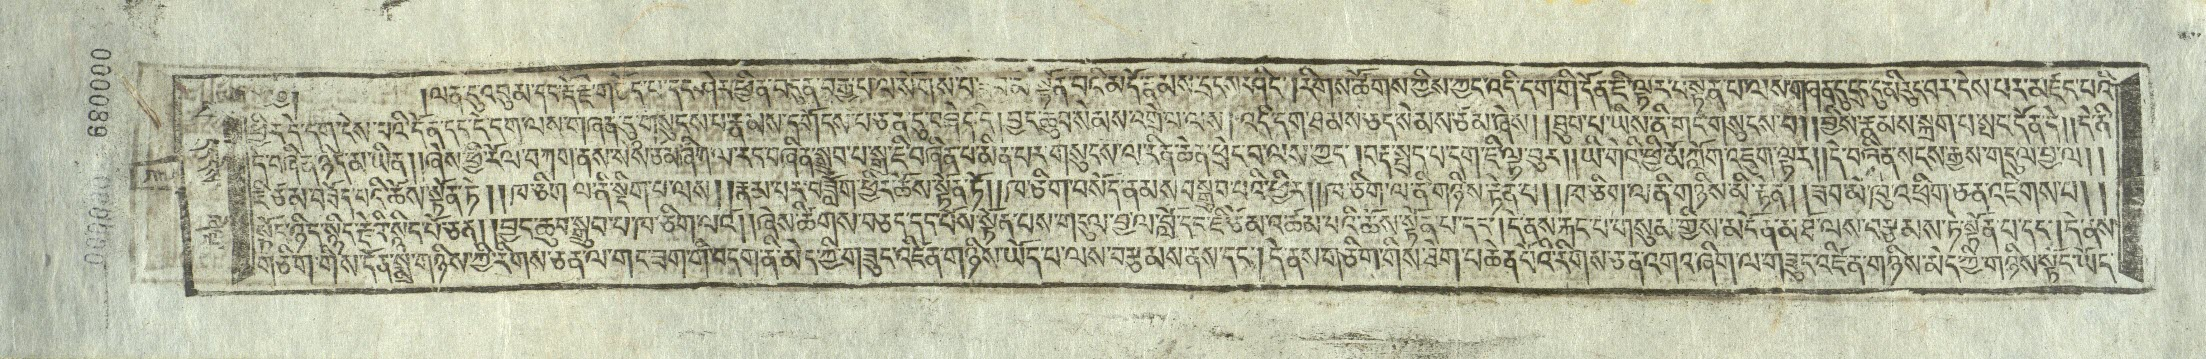༄༅། །ལན་དུ་འབུམ་དང་རྡོ་རྗེ་གཅོད་པ་དང་ཤེར་ཕྱིན་བདུན་བརྒྱ་པ་ལ་སོགས་པ་ཟབ་མོ་སྟོན་པའི་མདོ་རྣམས་དྲངས་ཤིང་། རིགས་ཚོགས་ཀྱིས་ཀྱང་འདི་དག་གི་དོན་ཇི་ལྟར་བསྟན་པ་ལས་གཞན་དུ་དྲང་དུ་མི་རུང་བར་ངེས་པར་མཛད་པའི་
ཕྱིར་དེ་དག་ངེས་པའི་དོན་དང་དེ་དག་ལས་གཞན་དུ་གསུངས་པ་རྣམས་དགོངས་པ་ཅན་དུ་བཞེད་དེ། བྱང་ཆུབ་སེམས་འགྲེལ་ལས། འདི་དག་ཐམས་ཅད་སེམས་ཙམ་ཞེས། །ཐུབ་པ་ཡིས་ནི་གང་གསུངས་པ། །བྱིས་རྣམས་སྐྲག་པ་སྤང་དོན་དེ། །དེ་ནི་
དེ་བཞིན་ཉིད་མ་ཡིན། །ཞེས་ཕྱི་རོལ་བཀག་ནས་སེམས་ཙམ་ཞིག་ལ་རང་བཞིན་སྒྲུབ་པ་སྒྲ་ཇི་བཞིན་པ་མིན་པར་གསུངས་ལ་རིན་ཆེན་ཕྲེང་བ་ལས་ཀྱང་། བརྡ་སྤྲད་པ་དག་ཇི་ལྟ་བུར། །ཡི་གེའི་ཕྱི་མོ་ཀློག་འཇུག་ལྟར། །དེ་བཞིན་སངས་རྒྱས་གདུལ་བྱ་ལ། །
ཇི་ཙམ་བཟོད་པའི་ཆོས་སྟོན་ཏེ། །ཁ་ཅིག་ལ་ནི་སྡིག་པ་ལས། །རྣམ་པར་བཟློག་ཕྱིར་ཆོས་སྟོན་ཏོ། །ཁ་ཅིག་བསོད་ནམས་བསྒྲུབ་པའི་ཕྱིར། །ཁ་ཅིག་ལ་ནི་གཉིས་རྟེན་པ། །ཁ་ཅིག་ལ་ནི་གཉིས་མི་རྟེན། །ཟབ་མོ་ཁུ་འཕྲིག་ཅན་འཇིགས་པ། །
སྟོང་ཉིད་སྙིང་རྗེའི་སྙིང་པོ་ཅན། །བྱང་ཆུབ་སྒྲུབ་པ་ཁ་ཅིག་ལའོ། །ཞེས་ཚིགས་བཅད་དང་པོས་སྟོན་པས་གདུལ་བྱ་ལ་བློ་དང་ཇི་ཙམ་འཚམ་པའི་ཆོས་སྟོན་པ་དང་། དེ་ནས་རྐང་པ་གསུམ་གྱིས་མངོན་མཐོ་ལས་བརྩམས་ཏེ་སྟོན་པ་དང་། དེ་ནས་
གཅིག་གིས་དོན་སྨྲ་གཉིས་ཀྱི་རིགས་ཅན་ལ་གང་ཟག་གི་བདག་ནི་མེད་ཀྱི་གཟུང་འཛིན་གཉིས་ཡོད་པ་ལས་བརྩམས་ནས་དང་། དེ་ནས་གཅིག་གིས་ཐེག་པ་ཆེན་པོའི་རིགས་ཅན་འགའ་ཞིག་ལ་གཟུང་འཛིན་གཉིས་མེད་ཀྱི་གཉིས་སྟོང་ཡོད་